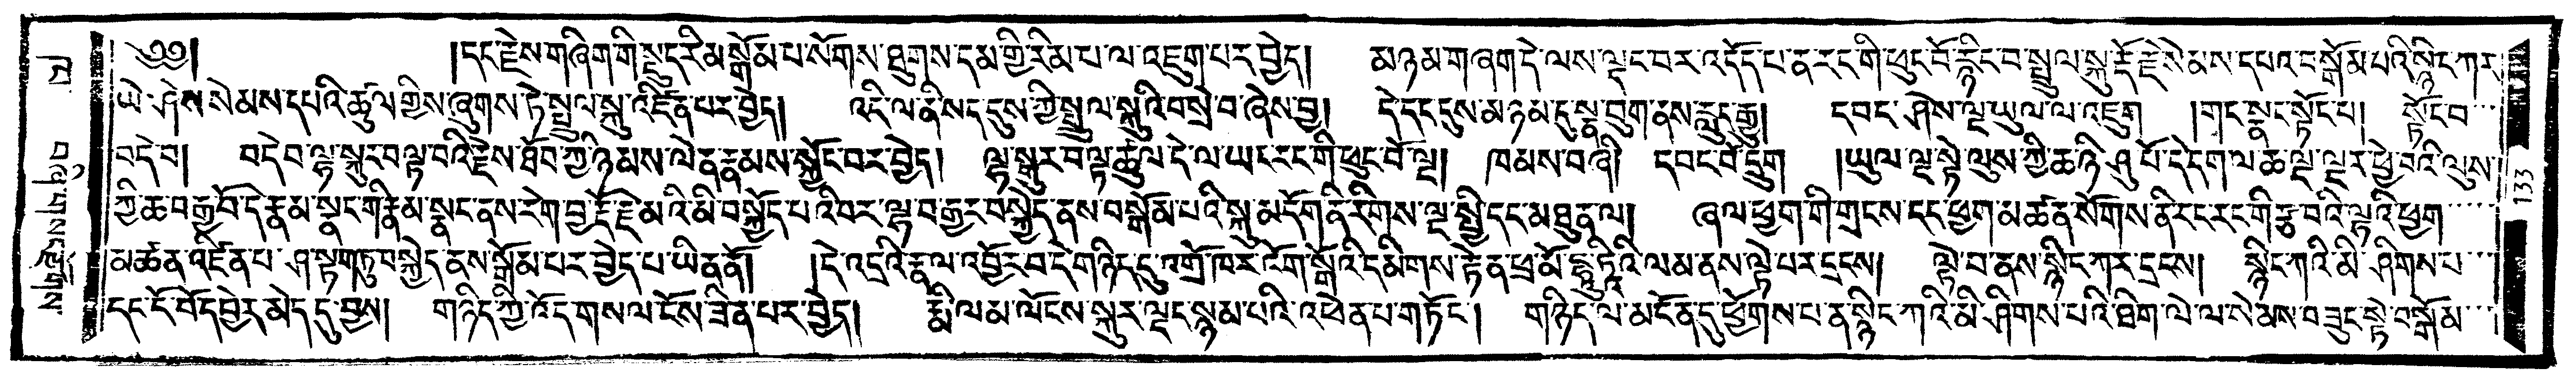༄༅། །དང་རྗེས་གཞིག་གི་སྡུད་རིམ་སྒོམ་པ་སོགས་ཐུགས་དམ་གྱི་རིམ་པ་ལ་འཇུག་པར་བྱེད། མཉམ་གཞག་དེ་ལས་ལྡང་བར་འདོད་པ་ན་རང་གི་ཕུང་བོ་རྙིང་བ་སྤྲུལ་སྐུ་རྡོ་རྗེ་སེམས་དཔའ་བསྒོམ་པའི་སྙིང་ཀར་
ཡེ་ཤེས་སེམས་དཔའི་ཚུལ་གྱིས་ཞུགས་ཏེ་སྤྲུལ་སྐུ་འཛིན་པར་བྱེད། འདི་ལ་ནི་སད་དུས་ཀྱི་སྤྲུལ་སྐུའི་བསྲེ་བ་ཞེས་བྱ། དེ་དང་དུས་མཉམ་དུ་སྣ་བུག་ནས་རླུང་རྒྱུ། དབང་ཤེས་ལྔ་ཡུལ་ལ་འཇུག །གང་སྣང་སྟོང་པ། སྟོང་བ་
བདེ་བ། བདེ་བ་ལྷ་སྐུར་བལྟ་བའི་རྗེས་ཐོབ་ཀྱི་ཉམས་ལེན་རྣམས་སྐྱོང་བར་བྱེད། ལྷ་སྒུར་བལྟ་ཚུལ་དེ་ལ་ཡང་རང་གི་ཕུང་པོ་ལྔ། ཁམས་བཞི། དབང་པོ་དྲུག །ཡུལ་ལྔ་སྟེ་ལུས་ཀྱི་ཆ་ཉི་ཤུ་པོ་དེ་དག་ལ་ཆ་ལྔ་ལྔར་ཕྱེ་བའི་ལུས་
ཀྱི་ཆ་བརྒྱ་བོ་དེ་རྣམ་སྣང་གི་རྣམ་སྣང་ནས་རེག་བྱ་རྡོ་རྗེ་མའི་མི་བསྐྱོད་པའི་བར་ལྷ་བརྒྱད་བསྐྱེད་ནས་བསྒོམ་པའི་སྐུ་མདོག་ནི་རིགས་ལྔ་སྤྱི་དང་མཐུན་ལ། ཞལ་ཕྱག་གི་གྲངས་དང་ཕྱག་མཚན་སོགས་ནི་རང་རང་གི་རྩ་བའི་ལྷའི་ཕྱག་
མཚན་འཛིན་པ་ཤ་སྟག་ཏུ་བསྐྱེད་ནས་སྒོམ་པར་བྱེད་པ་ཡིན་ནོ། །དེ་འདྲའི་རྣལ་འབྱོར་བ་དེ་གཉིད་དུ་འགྲོ་ཁར་འོག་སྒོའི་དམིགས་རྟེན་ཕྲ་མོ་དྷཱུ་ཏཱིའི་ལམ་ནས་ལྟེ་བར་དྲངས། ལྟེ་བ་ནས་སྙིང་ཀར་དྲངས། སྙིང་ཀའི་མི་ཤིགས་པ་
དང་ངོ་བོ་དབྱེར་མེད་དུ་བྱས། གཉིད་ཀྱི་འོད་གསལ་ངོས་ཟིན་པར་བྱེད། རྨི་ལམ་ལོངས་སྐུར་ལྡང་སྙམ་པའི་འཕེན་པ་གཏོང་། གཉིད་ལ་མངོན་དུ་ཕྱོགས་པ་ན་སྙིང་ཀའི་མི་ཤིགས་པའི་ཐིག་ལེ་ལ་སེམས་བཟུང་སྟེ་བསྒོམ་